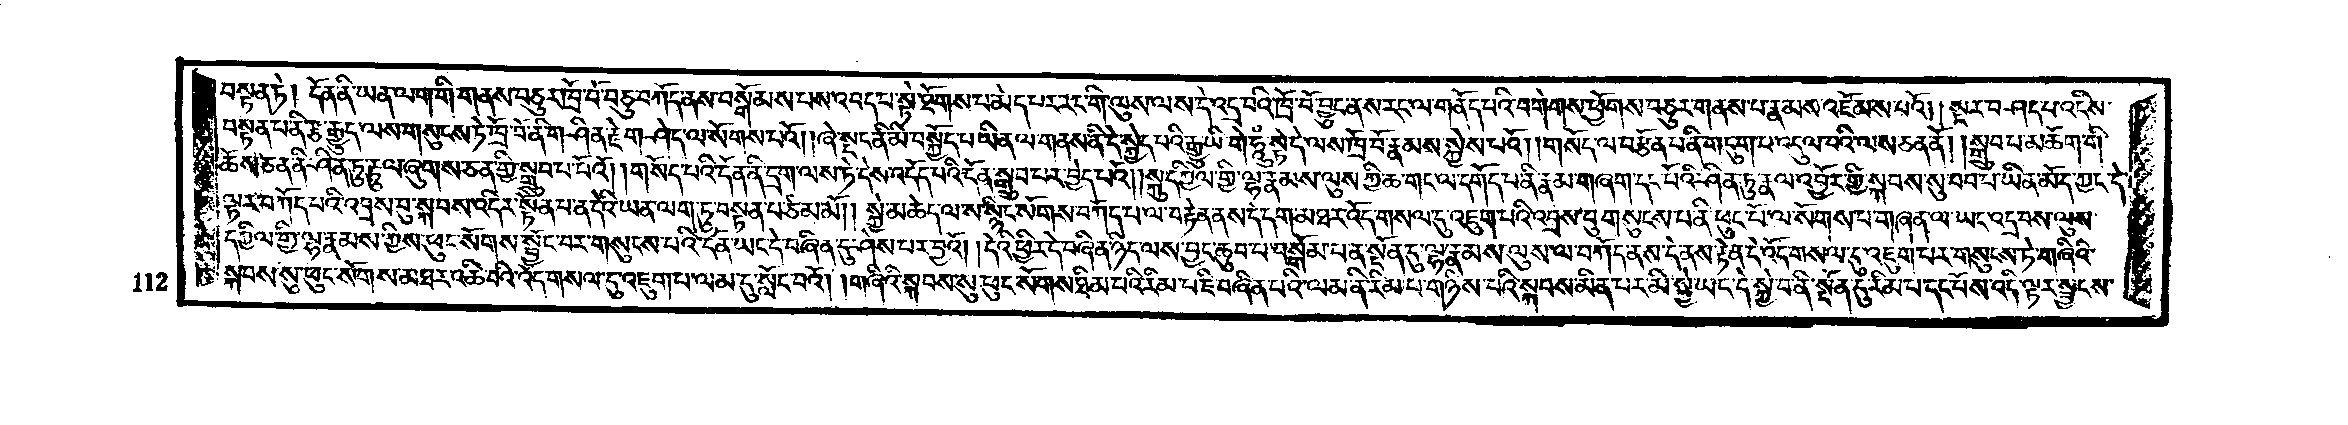བསྟན་ཏེ། དོན་ནི་ཡན་ལག་གི་གནས་བཅུར་ཁྲོ་བོ་བཅུ་བཀོད་ནས་བསྒོམས་པས་འབད་པ་སྟེ་ཐོགས་པ་མེད་པར་རང་གི་ལུས་ལས་དེ་འདྲ་བའི་ཁྲོ་བོ་བྱུང་ནས་རང་ལ་གནོད་པའི་བགེགས་ཕྱོགས་བཅུར་གནས་པ་རྣམས་འཇོམས་པའོ། །སྔར་བཤད་པ་འདིས་
བསྟན་པ་ནི་རྩ་རྒྱུད་ལས་གསུངས་ཏེ་ཁྲོ་བོ་ནི་གཤིན་རྗེ་གཤེད་ལ་སོགས་པའོ། །ཞེ་སྡང་ནི་མི་བསྐྱོད་པ་ཡིན་ལ་གནས་ནི་དེ་སྐྱེད་པའི་རྒྱུ་ཡི་གེ་ཧཱུཾ་སྟེ་དེ་ལས་ཁྲོ་བོ་རྣམས་སྐྱེས་པའོ། །གསོད་ལ་བརྩོན་པ་ནི་གདུག་པ་འདུལ་བའི་ལས་ཅན་ནོ། །སྒྲུབ་པ་མཆོག་གི་
ཆོས་ཅན་ནི་ཤིན་ཏུ་རྟུལ་ཞུགས་ཅན་གྱི་སྒྲུབ་པ་པོའོ། །གསོད་པའི་དོན་ནི་དྲག་ལས་ཏེ་དེས་འདོད་པའི་དོན་སྒྲུབ་པར་བྱེད་པའོ། །སྐུ་དཀྱིལ་གྱི་ལྷ་རྣམས་ལུས་ཀྱི་ཆ་གང་ལ་དགོད་པ་ནི་རྣམ་གཞག་དང་པོའི་ཤིན་ཏུ་རྣལ་འབྱོར་གྱི་སྐབས་སུ་བབ་པ་ཡིན་མོད་ཀྱང་དེ་
ལྟར་བཀོད་པའི་འབྲས་བུ་སྐབས་འདིར་སྟོན་པ་ན་དེའི་ཡན་ལག་ཏུ་བསྟན་པ་ཙམ་མོ། །སྐྱེ་མཆེད་ལ་ས་སྙིང་སོགས་བཀོད་པ་ལ་བརྟེན་ནས་དེ་དག་མཐར་འོད་གསལ་དུ་འཇུག་པའི་འབྲས་བུ་གསུངས་པ་ནི་ཕུང་པོ་ལ་སོགས་པ་གཞན་ལ་ཡང་འདྲ་བས་ལུས་
དཀྱིལ་གྱི་ལྷ་རྣམས་ཀྱིས་ཕུང་སོགས་སྦྱོང་བར་གསུངས་པའི་དོན་ཡང་དེ་བཞིན་དུ་ཤེས་པར་བྱའོ། །དེའི་ཕྱིར་དེ་བཞིན་ཉིད་ལས་བྱང་ཆུབ་པ་བསྒོམ་པ་ན་སྔོན་དུ་ལྷ་རྣམས་ལུས་ལ་བཀོད་ནས་དེ་ནས་རྟེན་དེ་འོད་གསལ་དུ་འཇུག་པར་གསུངས་ཏེ་གཞིའི་
སྐབས་སུ་ཕུང་སོགས་མཐར་འཆི་བའི་འོད་གསལ་དུ་འཇུག་པ་ལམ་དུ་སློང་བའོ། །གཞིའི་སྐབས་སུ་ཕུང་སོགས་ཐིམ་པའི་རིམ་པ་ཇི་བཞིན་པའི་ལམ་ནི་རིམ་པ་གཉིས་པའི་སྐབས་མིན་པར་མི་སྐྱེ་ཡང་དེ་སྐྱེ་བ་ནི་སྔོན་དུ་རིམ་པ་དང་པོས་འདི་ལྟར་སྦྱངས་